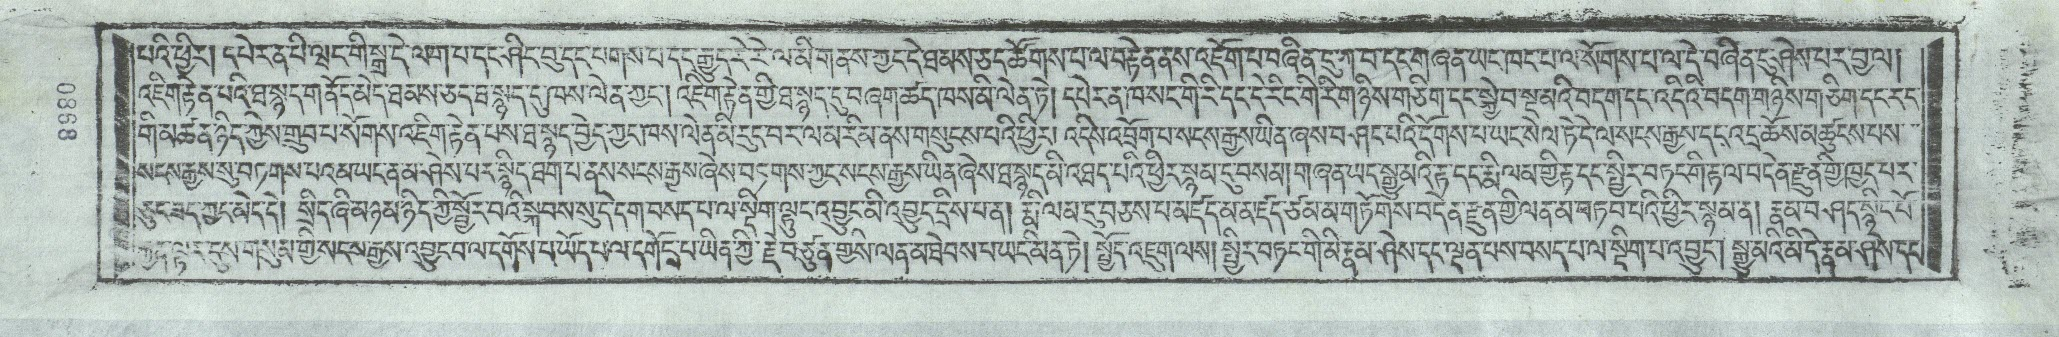པའི་ཕྱིར། དཔེར་ན་པི་ཝང་གི་སྒྲ་དེ་ལག་པ་དང་ཤིང་བུ་དང་པགས་པ་དང་རྒྱུད་རེ་རེ་ལ་མི་གནས་ཀྱང་དེ་ཐམས་ཅད་ཚོགས་པ་ལ་བརྟེན་ནས་འཇོག་པ་བཞིན་དུ་ཀ་བ་དང་གཞན་ཡང་ཁང་པ་ལ་སོགས་པ་ལ་དེ་བཞིན་དུ་ཤེས་པར་བྱ་ལ།
འཇིག་རྟེན་པའི་ཐ་སྙད་གནོད་མེད་ཐམས་ཅད་ཐ་སྙད་དུ་ཁས་ལེན་ཀྱང་། འཇིག་རྟེན་གྱི་ཐ་སྙད་དུ་བཞག་ཚད་ཁས་མི་ལེན་ཏེ། དཔེར་ན་ཁ་སང་གི་རི་དང་དེ་རིང་གི་རིག་གཉིས་གཅིག་དང་སྐྱེ་བ་སྔ་མའི་བདག་དང་འདིའི་བདག་གཉིས་གཅིག་དང་རང་
གི་མཚན་ཉིད་ཀྱིས་གྲུབ་པ་སོགས་འཇིག་རྟེན་པས་ཐ་སྙད་བྱེད་ཀྱང་ཁས་ལེན་མི་རུང་བར་ལམ་རིམ་ནས་གསུངས་པའི་ཕྱིར། འདིས་འབྲོག་པ་སངས་རྒྱས་ཡིན་ཞེས་བཤད་པའི་དོགས་པ་ཡང་སེལ་ཏེ་དེ་ལ་སངས་རྒྱས་དང་འདྲ་ཆོས་མཚུངས་པས་
སངས་རྒྱས་སུ་བཏགས་པའམ་ཡང་ན་མ་ཤེས་པར་སྙིང་ཐག་པ་ནས་སངས་རྒྱས་ཞེས་བཏགས་ཀྱང་སངས་རྒྱས་ཡིན་ཞེས་ཐ་སྙད་མི་འཐད་པའི་ཕྱིར་སྙམ་དུ་བསམ། གཞན་ཡང་སྒྱུ་མའི་རྟ་དང་རྨི་ལམ་གྱི་རྟ་དང་སྤྱིར་བཏང་གི་རྟ་ལ་བདེན་རྫུན་གྱི་ཁྱད་པར་
ཅུང་ཟད་ཀྱང་མེད་དེ། སྲིད་ཞི་མཉམ་ཉིད་ཀྱི་སྦྱོར་བའི་སྐབས་སུ་དེ་དག་བསད་པ་ལ་སྡིག་ལྟུང་འབྱུང་མི་འབྱུང་དྲིས་པ་ན། རྨི་ལམ་དུ་བཅས་པ་མཛད་མ་མཛད་ཙམ་མ་གཏོགས་བདེན་རྫུན་གྱི་ལན་མ་བཏབ་པའི་ཕྱིར་སྙམ་ན། རྣམ་བཤད་སྙིང་པོ་
རྒྱན་ལྟར་དུས་གསུམ་གྱི་སངས་རྒྱས་འབྱུང་བ་ལ་དགོས་པ་ཡོད་པ་ལ་དགོང་པ་ཡིན་ཀྱི་རྗེ་བཙུན་གྱིས་ལན་མ་ཐེབས་པ་ཡང་མིན་ཏེ། སྤྱོད་འཇུག་ལས། སྤྱིར་བཏང་གི་མི་རྣམ་ཤེས་དང་ལྡན་པས་བསད་པ་ལ་སྡིག་པ་འབྱུང་། སྒྱུ་མའི་མི་དེ་རྣམ་ཤེས་དང་